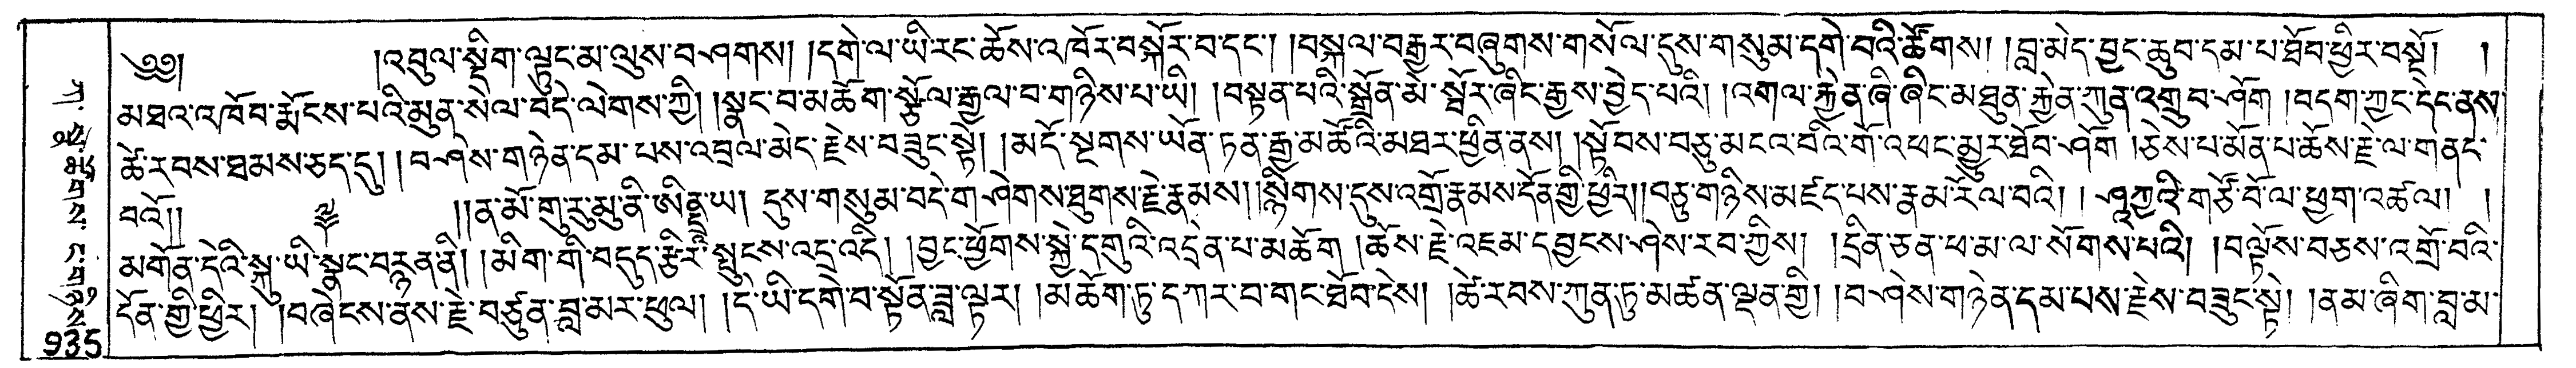༄༅། །འབུལ་སྡིག་ལྟུང་མ་ལུས་བཤགས། །དགེ་ལ་ཡི་རང་ཆོས་འཁོར་བསྐོར་བ་དང་། །བསྐལ་བརྒྱར་བཞུགས་གསོལ་དུས་གསུམ་དགེ་བའི་ཚོགས། །བླ་མེད་བྱང་ཆུབ་དམ་པ་ཐོབ་ཕྱིར་བསྔོ། །
མཐའ་འཁོབ་རྨོངས་པའི་མུན་སེལ་བདེ་ལེགས་ཀྱི། །སྣང་བ་མཆོག་སྩོལ་རྒྱལ་བ་གཉིས་པ་ཡི། །བསྟན་པའི་སྒྲོན་མེ་སྦོར་ཞིང་རྒྱས་བྱེད་པའི། །འགལ་རྐྱེན་ཞི་ཞིང་མཐུན་རྐྱེན་ཀུན་འགྲུབ་ཤོག །བདག་ཀྱང་དེང་ནས་
ཚེ་རབས་ཐམས་ཅད་དུ། །བཤེས་གཉེན་དམ་པས་འབྲལ་མེད་རྗེས་བཟུང་སྟེ། །མདོ་སྔགས་ཡོན་ཏན་རྒྱ་མཚོའི་མཐར་ཕྱིན་ནས། །སྟོབས་བཅུ་མངའ་བའི་གོ་འཕང་མྱུར་ཐོབ་ཤོག །ཅེས་པ་མོན་པ་ཆོས་རྗེ་ལ་གནང་
བའོ།། ༈ །།ན་མོ་གུ་རུ་མུ་ནི་ཨིནྡྲཱ་ཡ། དུས་གསུམ་བདེ་གཤེགས་ཐུགས་རྗེ་རྣམས། །སྙིགས་དུས་འགྲོ་རྣམས་དོན་གྱི་ཕྱིར། །བཅུ་གཉིས་མཛད་པས་རྣམ་རོལ་བའི། །ཤཱཀྱའི་གཙོ་བོ་ལ་ཕྱག་འཚལ། །
མགོན་དེའི་སྐུ་ཡི་སྣང་བརྙན་ནི། །མིག་གི་བདུད་རྩིར་སྤུངས་འདྲ་འདི། །བྱང་ཕྱོགས་སྐྱེ་དགུའི་འདྲེན་པ་མཆོག །ཆོས་རྗེ་འཇམ་དབྱངས་ཤེས་རབ་ཀྱིས། །དྲིན་ཅན་ཕ་མ་ལ་སོགས་པའི། །བལྟོས་བཅས་འགྲོ་བའི་
དོན་གྱི་ཕྱིར། །བཞེངས་ནས་རྗེ་བཙུན་བླ་མར་ཕུལ། །དེ་ཡི་དགེ་བ་སྟོན་ཟླ་ལྟར། །མཆོག་ཏུ་དཀར་བ་གང་ཐོབ་དེས། །ཚེ་རབས་ཀུན་ཏུ་མཚན་ལྡན་གྱི། །བཤེས་གཉེན་དམ་པས་རྗེས་བཟུང་སྟེ། །ནམ་ཞིག་བླ་མ་